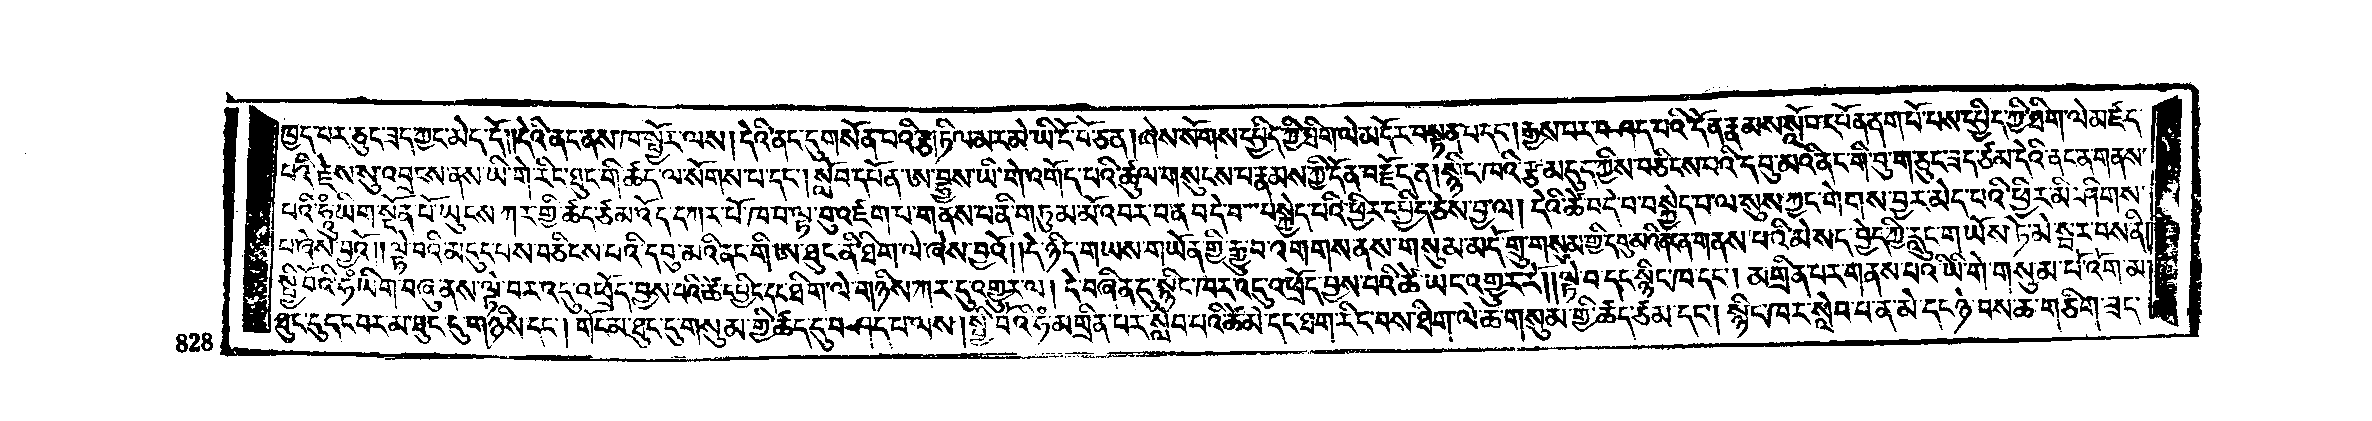ཁྱད་པར་ཅུང་ཟད་ཀྱང་མེད་དོ། །དེའི་ནང་ནས་ཁ་སྦྱོར་ལས། དེའི་ནང་དུ་གསོན་པའི་རྩ། ཏིལ་མར་མེ་ཡི་ངོ་བོ་ཅན། ཞེས་སོགས་དཔྱིད་ཀྱི་ཐིག་ལེ་མདོར་བསྟན་པ་དང་། རྒྱས་པར་བཤད་པའི་དོན་རྣམས་སློབ་དཔོན་ནག་པོ་པས་དཔྱིད་ཀྱི་ཐིག་ལེ་མཛད་
པའི་རྗེས་སུ་འབྲངས་ནས་ཡི་གེ་རིང་ཐུང་གི་ཚད་ལ་སོགས་པ་དང་། སློབ་དཔོན་ཨ་བྷྱས་ཡི་གེ་འགོད་པའི་ཚུལ་གསུངས་པ་རྣམས་ཀྱི་དོན་བརྗོད་ན། སྙིང་ཁའི་རྩ་མདུད་ཀྱིས་བཅིངས་པའི་དབུ་མའི་ནང་གི་བུ་ག་ཅུང་ཟད་ཙམ་དེའི་ནང་ན་གནས་
པའི་ཧཱུཾ་ཡིག་སྔོན་པོ་ཡུངས་ཀར་གྱི་ཚད་ཙམ་འོད་དཀར་པོ་ཁ་བ་ལྟ་བུ་འཛག་པ་གནས་པ་ནི་གཏུམ་མོ་འབར་བ་ན་བདེ་བ་བསྐྱེད་པའི་ཕྱིར་དཔྱིད་ཅེས་བྱ་ལ། དེའི་ཚེ་བདེ་བ་བསྐྱེད་པ་ལ་སུས་ཀྱང་གེགས་བྱར་མེད་པའི་ཕྱིར་མི་ཤིགས་
པ་ཞེས་བྱའོ། །ལྟེ་བའི་མདུད་པས་བཅིངས་པའི་དབུ་མའི་ནང་གི་ཨ་ཐུང་ནི་ཐིག་ལེ་ཞེས་བྱའོ། །དེ་ཉིད་གཡས་གཡོན་གྱི་རྒྱུ་བ་འགགས་ནས་གསུམ་མདོ་གྲུ་གསུམ་གྱི་དབུ་མའི་ནང་ན་གནས་པའི་མེ་སད་བྱེད་ཀྱི་རླུང་གཡོས་ཏེ་མེ་སྦར་བས་ནི།
སྤྱི་བོའི་ཧཾ་ཡིག་བཞུ་ནས་ལྟེ་བར་འདུ་འཕྲོད་བྱས་པའི་ཚེ་དཔྱིད་དང་ཐིག་ལེ་གཉིས་ཀར་དུ་འགྱུར་ལ། དེ་བཞིན་དུ་སྙིང་ཁར་འདུ་འཕྲོད་བྱས་པའི་ཚེ་ཡང་འགྱུར་རོ། །ལྟེ་བ་དང་སྙིང་ཁ་དང་། མགྲིན་པར་གནས་པའི་ཡི་གེ་གསུམ་པོ་འོག་མ་
ཐུང་ངུ་དང་བར་མ་ཐུང་ངུ་གཉིས་དང་། གོང་མ་ཐུང་དུ་གསུམ་གྱི་ཚད་དུ་བཤད་པ་ལས། སྤྱི་བོའི་ཧཾ་མགྲིན་པར་སློབ་པའི་ཚེ་མེ་དང་ཐག་རིང་པས་ཐིག་ལེ་ཆ་གསུམ་གྱི་ཚད་ཙམ་དང་། སྙིང་ཁར་སླེབ་པ་ན་མེ་དང་ཉེ་བས་ཆ་གཅིག་ཟད་